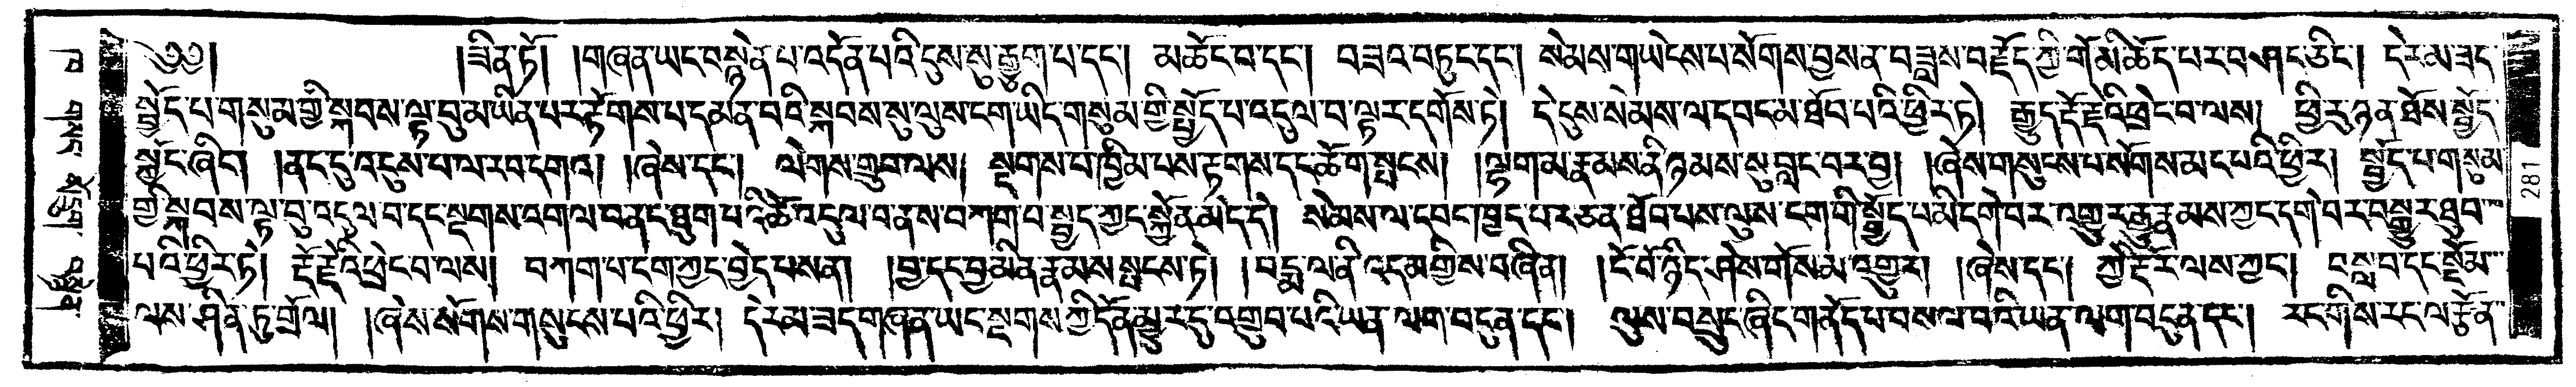༄༅། །ཟིན་ཏོ། །གཞན་ཡང་བསྙེན་པ་འདོན་པའི་དུས་སུ་རྒྱུག་པ་དང་། མཆོང་བ་དང་། བཟའ་བཏུང་དང་། སེམས་གཡེངས་པ་སོགས་བྱས་ན་བཟླས་བརྗོད་ཀྱི་གོ་མི་ཆོད་པར་བཤད་ཅིང་། དེར་མ་ཟད་
སྤྱོད་པ་གསུམ་གྱི་སྐབས་ལྟ་བུ་མ་ཡིན་པར་རྟོགས་པ་དམན་པའི་སྐབས་སུ་ལུས་ངག་ཡིད་གསུམ་གྱི་སྤྱོད་པ་འདུལ་བ་ལྟར་དགོས་ཏེ། དེ་དུས་སེམས་ལ་དབང་མ་ཐོབ་པའི་ཕྱིར་ཏེ། རྒྱུད་རྡོ་རྗེའི་ཕྲེང་བ་ལས། ཕྱི་རུ་ཉན་ཐོས་སྤྱོད་
སྐྱོང་ཞིང་། །ནང་དུ་འདུས་པ་ལ་རབ་དགའ། །ཞེས་དང་། ལེགས་གྲུབ་ལས། སྔགས་པ་ཁྱིམ་པས་རྟགས་དང་ཆོ་ག་སྤངས། །ལྷག་མ་རྣམས་ནི་ཉམས་སུ་བླང་བར་བྱ། །ཞེས་གསུངས་པ་སོགས་མང་པའི་ཕྱིར། སྤྱོད་པ་གསུམ་
གྱི་སྐབས་ལྟ་བུ་འདུལ་བ་དང་སྔགས་འགལ་བ་ནང་ཐུག་པའི་ཚེ་འདུལ་བ་ནས་བཀག་པ་སྤྱད་ཀྱང་སྐྱོན་མེད་དེ། སེམས་ལ་དབང་ཁྱད་པར་ཅན་ཐོབ་པས་ལུས་ངག་གི་སྤྱོད་པ་མི་དགེ་བར་འགྱུར་རྒྱུ་རྣམས་ཀྱང་དགེ་བར་བསྒྱུར་ཐུབ་
པའི་ཕྱིར་ཏེ། རྡོ་རྗེའི་ཕྲེང་བ་ལས། བཀག་པ་ངག་ཀྱང་བྱེད་པས་ན། །བྱ་དང་བྱ་མིན་རྣམས་སྤངས་ཏེ། །པདམ་ལ་ནི་འདམ་གྱིས་བཞིན། །ངོ་བོ་ཉིད་ཤེས་གོས་མ་འགྱུར། །ཞེས་དང་། ཀྱཻ་རྡོར་ལས་ཀྱང་། བསླབ་དང་སྡོམ་
ལས་ཤིན་ཏུ་གྲོལ། །ཞེས་སོགས་གསུངས་པའི་ཕྱིར། དེར་མ་ཟད་གཞན་ཡང་སྔགས་ཀྱི་དོན་མྱུར་དུ་འགྲུབ་པའི་ཡན་ལག་བདུན་དང་། ལུས་བསྲུང་ཞིང་གནོད་པ་བསལ་པའི་ཡན་ལག་བདུན་དང་། རང་གིས་རང་ལ་རྩོན་